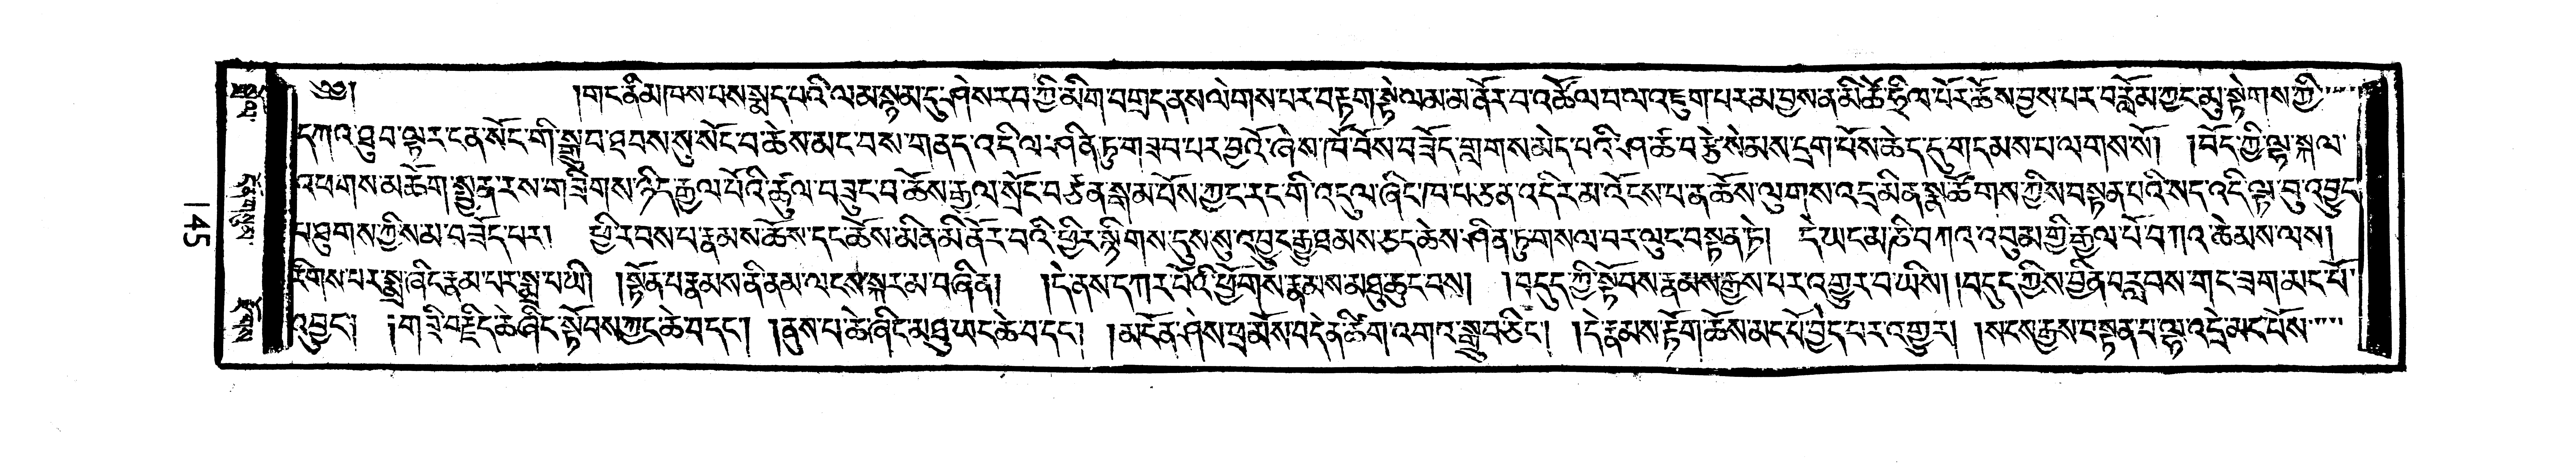༄༅། །གང་ནི་མཁས་པས་སྨད་པའི་ལམ་སྙམ་དུ་ཤེས་རབ་ཀྱི་མིག་བགྲད་ནས་ལེགས་པར་བརྟག་སྟེ་ལམ་མ་ནོར་བ་འཚོལ་བ་ལ་འཇུག་པར་མ་བྱས་ན་མི་ཚེ་ཧྲིལ་པོར་ཆོས་བྱས་པར་བརློམ་ཀྱང་མུ་སྟེགས་ཀྱིས་
དཀའ་ཐུབ་ལྟར་ངན་སོང་གི་སྒྲུབ་ཐབས་སུ་སོང་བ་ཆེས་མང་བས་གནས་འདི་ལ་ཤིན་ཏུ་གཟབ་པར་བྱའོ་ཞེས་ཁོ་བོས་བཟོད་གླགས་མེད་པའི་ཤ་ཚ་བརྩེ་སེམས་དྲག་པོས་ཆེད་དུ་གདམས་པ་ལགས་སོ། །བོད་ཀྱི་ལྷ་སྐལ་
འཕགས་མཆོག་སྤྱན་རས་གཟིགས་ཉིད་རྒྱལ་པོའི་ཚུལ་བཟུང་བ་ཆོས་རྒྱལ་སྲོང་བཙན་སྒམ་པོས་ཀྱང་རང་གི་འདུལ་ཞིང་ཁ་བ་ཅན་འདིར་མ་འོངས་པ་ན་ཆོས་ལུགས་འདྲ་མིན་སྣ་ཚོགས་ཀྱིས་བསྟན་པའི་སད་འདི་ལྟ་བུ་འབྱུང་
པ་ཐུགས་ཀྱིས་མ་བཟོད་པར། ཕྱི་རབས་པ་རྣམས་ཆོས་དང་ཆོས་མིན་མི་ནོར་བའི་ཕྱིར་སྙིགས་དུས་སུ་འབྱུང་རྒྱུ་ཐམས་ཅད་ཆེས་ཤིན་ཏུ་གསལ་བར་ལུང་བསྟན་ཏེ། དེ་ཡང་མ་ཎི་བཀའ་འབུམ་གྱི་རྒྱལ་པོ་བཀའ་ཆེམས་ལས།
རིགས་པར་སྨྲ་ཞིང་རྣམ་པར་སྨྲ་བ་ཡི། །སྟོན་པ་རྣམས་ནི་ནམ་ལངས་སྐར་མ་བཞིན། །དེ་ནས་དཀར་པོའི་ཕྱོགས་རྣམས་མཐུ་ཆུང་བས། །བདུད་ཀྱི་སྟོབས་རྣམས་རྒྱས་པར་འགྱུར་བ་ཡིས། །བདུད་ཀྱིས་བྱིན་རླབས་གང་ཟག་མང་པོ་
འབྱུང་། །གཟི་བརྗིད་ཆེ་ཞིང་སྟོབས་ཀྱང་ཆེ་བ་དང་། །ནུས་པ་ཆེ་ཞིང་མཐུ་ཡང་ཆེ་བ་དང་། །མངོན་ཤེས་ཕྲ་མོས་བདེན་ཚིག་འགའ་སྒུར་བཅིང་། །དེ་རྣམས་རྟོག་ཆོས་མང་པོ་བྱེད་པར་འགྱུར། །སངས་རྒྱས་བསྟན་པ་ལྷ་འདྲེ་མང་པོས་